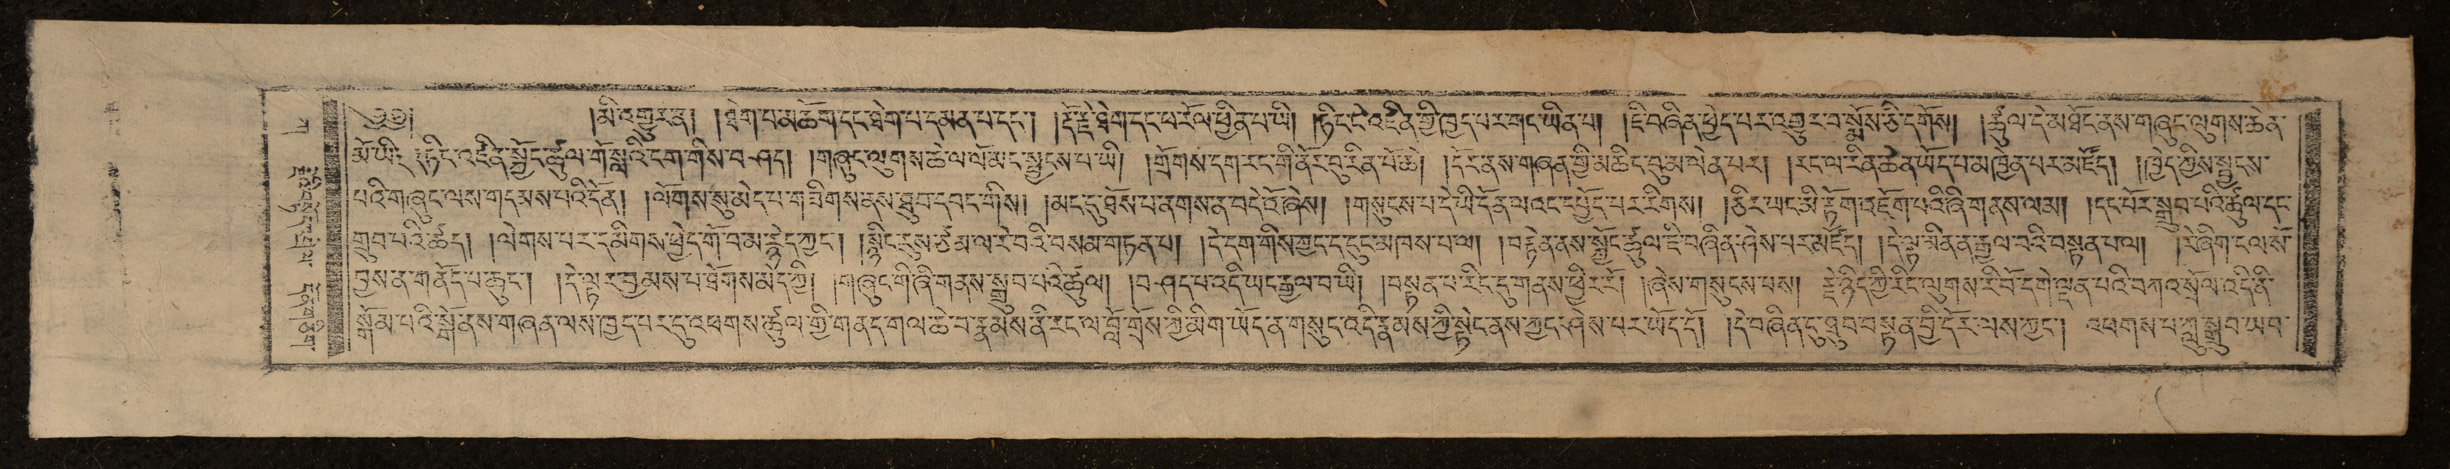༄༅། །མི་འགྱུར་ན། །ཐེག་པ་མཆོག་དང་ཐེག་པ་དམན་པ་དང་། །རྡོ་རྗེ་ཐེག་དང་ཕ་རོལ་ཕྱིན་བ་ཡི། །ཏིང་ངེ་འཛིན་གྱི་ཁྱད་པར་གང་ཡིན་པ། །ཇི་བཞིན་ཕྱེད་པར་འགྱུར་བ་སྨོས་ཅི་དགོས། །ཚུལ་དེ་མཐོང་ནས་གཞུང་ལུགས་ཆེན་
མོ་ཡི༑ ༑ཏིང་འཛིན་སྐྱོང་ཚུལ་གོ་སླའི་དག་གིས་བཤད། །གཞུང་ལུགས་ཆེ་ལ་ལོ་མང་སྦྱངས་པ་ཡི། །གྲོགས་དག་རང་གི་ནོར་བུ་རིན་པོ་ཆེ། །དོར་ནས་གཞན་གྱི་མཆིང་བུ་མ་ལེན་པར། །རང་ལ་རིན་ཆེན་ཡོད་པ་མཁྱེན་པར་མཛོད། །ཁྱེད་ཀྱིས་སྦྱངས་
པའི་གཞུང་ལས་གདམས་པའི་དོན། །ལོགས་སུ་མེད་པ་གཟིགས་ནས་ཐུབ་དབང་གིས། །མང་དུ་ཐོས་པ་ན་གསན་བ་དེའི་ཞེས། །གསུངས་པ་དེ་ཡི་དོན་ལའང་དཔྱོད་པར་རིགས། །ཅིར་ཡང་མི་རྟོག་འཇོག་བའི་ཞི་གནས་ལམ། །དང་པོར་སྒྲུབ་པའི་ཚུལ་དང་
གྲུབ་པའི་ཚད། །ལེགས་པར་དམིགས་ཕྱེད་གོ་བ་མ་རྙེད་ཀྱང་། །སྙིང་རུས་ཙམ་ལ་རེ་བའི་བསམ་གཏན་བ། །དེ་དག་གིས་ཀྱང་ད་དུང་མཁས་པ་ལ། །བརྟེན་ནས་སྐྱོང་ཚུལ་ཇི་བཞིན་ཤེས་བར་མཛོད། །དེ་ལྟ་མིན་ན་རྒྱལ་བའི་བསྟན་པ་ལ། །རེ་ཞིག་ངལ་སོ་
བྱས་ན་གནོད་པ་ཆུང་། །དེ་ལྟར་བྱམས་པ་ཐོགས་མེད་ཀྱི། །གཞུང་གི་ཞི་གནས་སྒྲུབ་པའི་ཚུལ། །བཤད་པ་འདི་ཡང་རྒྱལ་བ་ཡི། །བསྟན་པའི་དུ་གནས་ཕྱིར་རོ། །ཞེས་གསུངས་པས། རྗེ་ཉིད་ཀྱི་རིང་ལུགས་རི་བོ་དགེ་ལྡན་པའི་བཀའ་སྲོལ་འདི་ནི་
སྒོམ་བའི་སྒོ་ནས་གཞན་ལས་ཁྱད་པར་དུ་འཕགས་ཚུལ་གྱི་གནད་གལ་ཆེ་བ་རྣམས་ནི་རང་ལ་བློ་གྲོས་ཀྱི་མིག་ཡོད་ན་གསུང་འདི་རྣམས་ཀྱི་སྟེང་ནས་ཀྱང་ཤེས་པར་ཡོད་དོ། །དེ་བཞིན་དུ་ཐུབ་བསྟན་བྱི་དོར་ལས་ཀྱང་། འཕགས་པ་ཀླུ་སྒྲུབ་ཡབ་